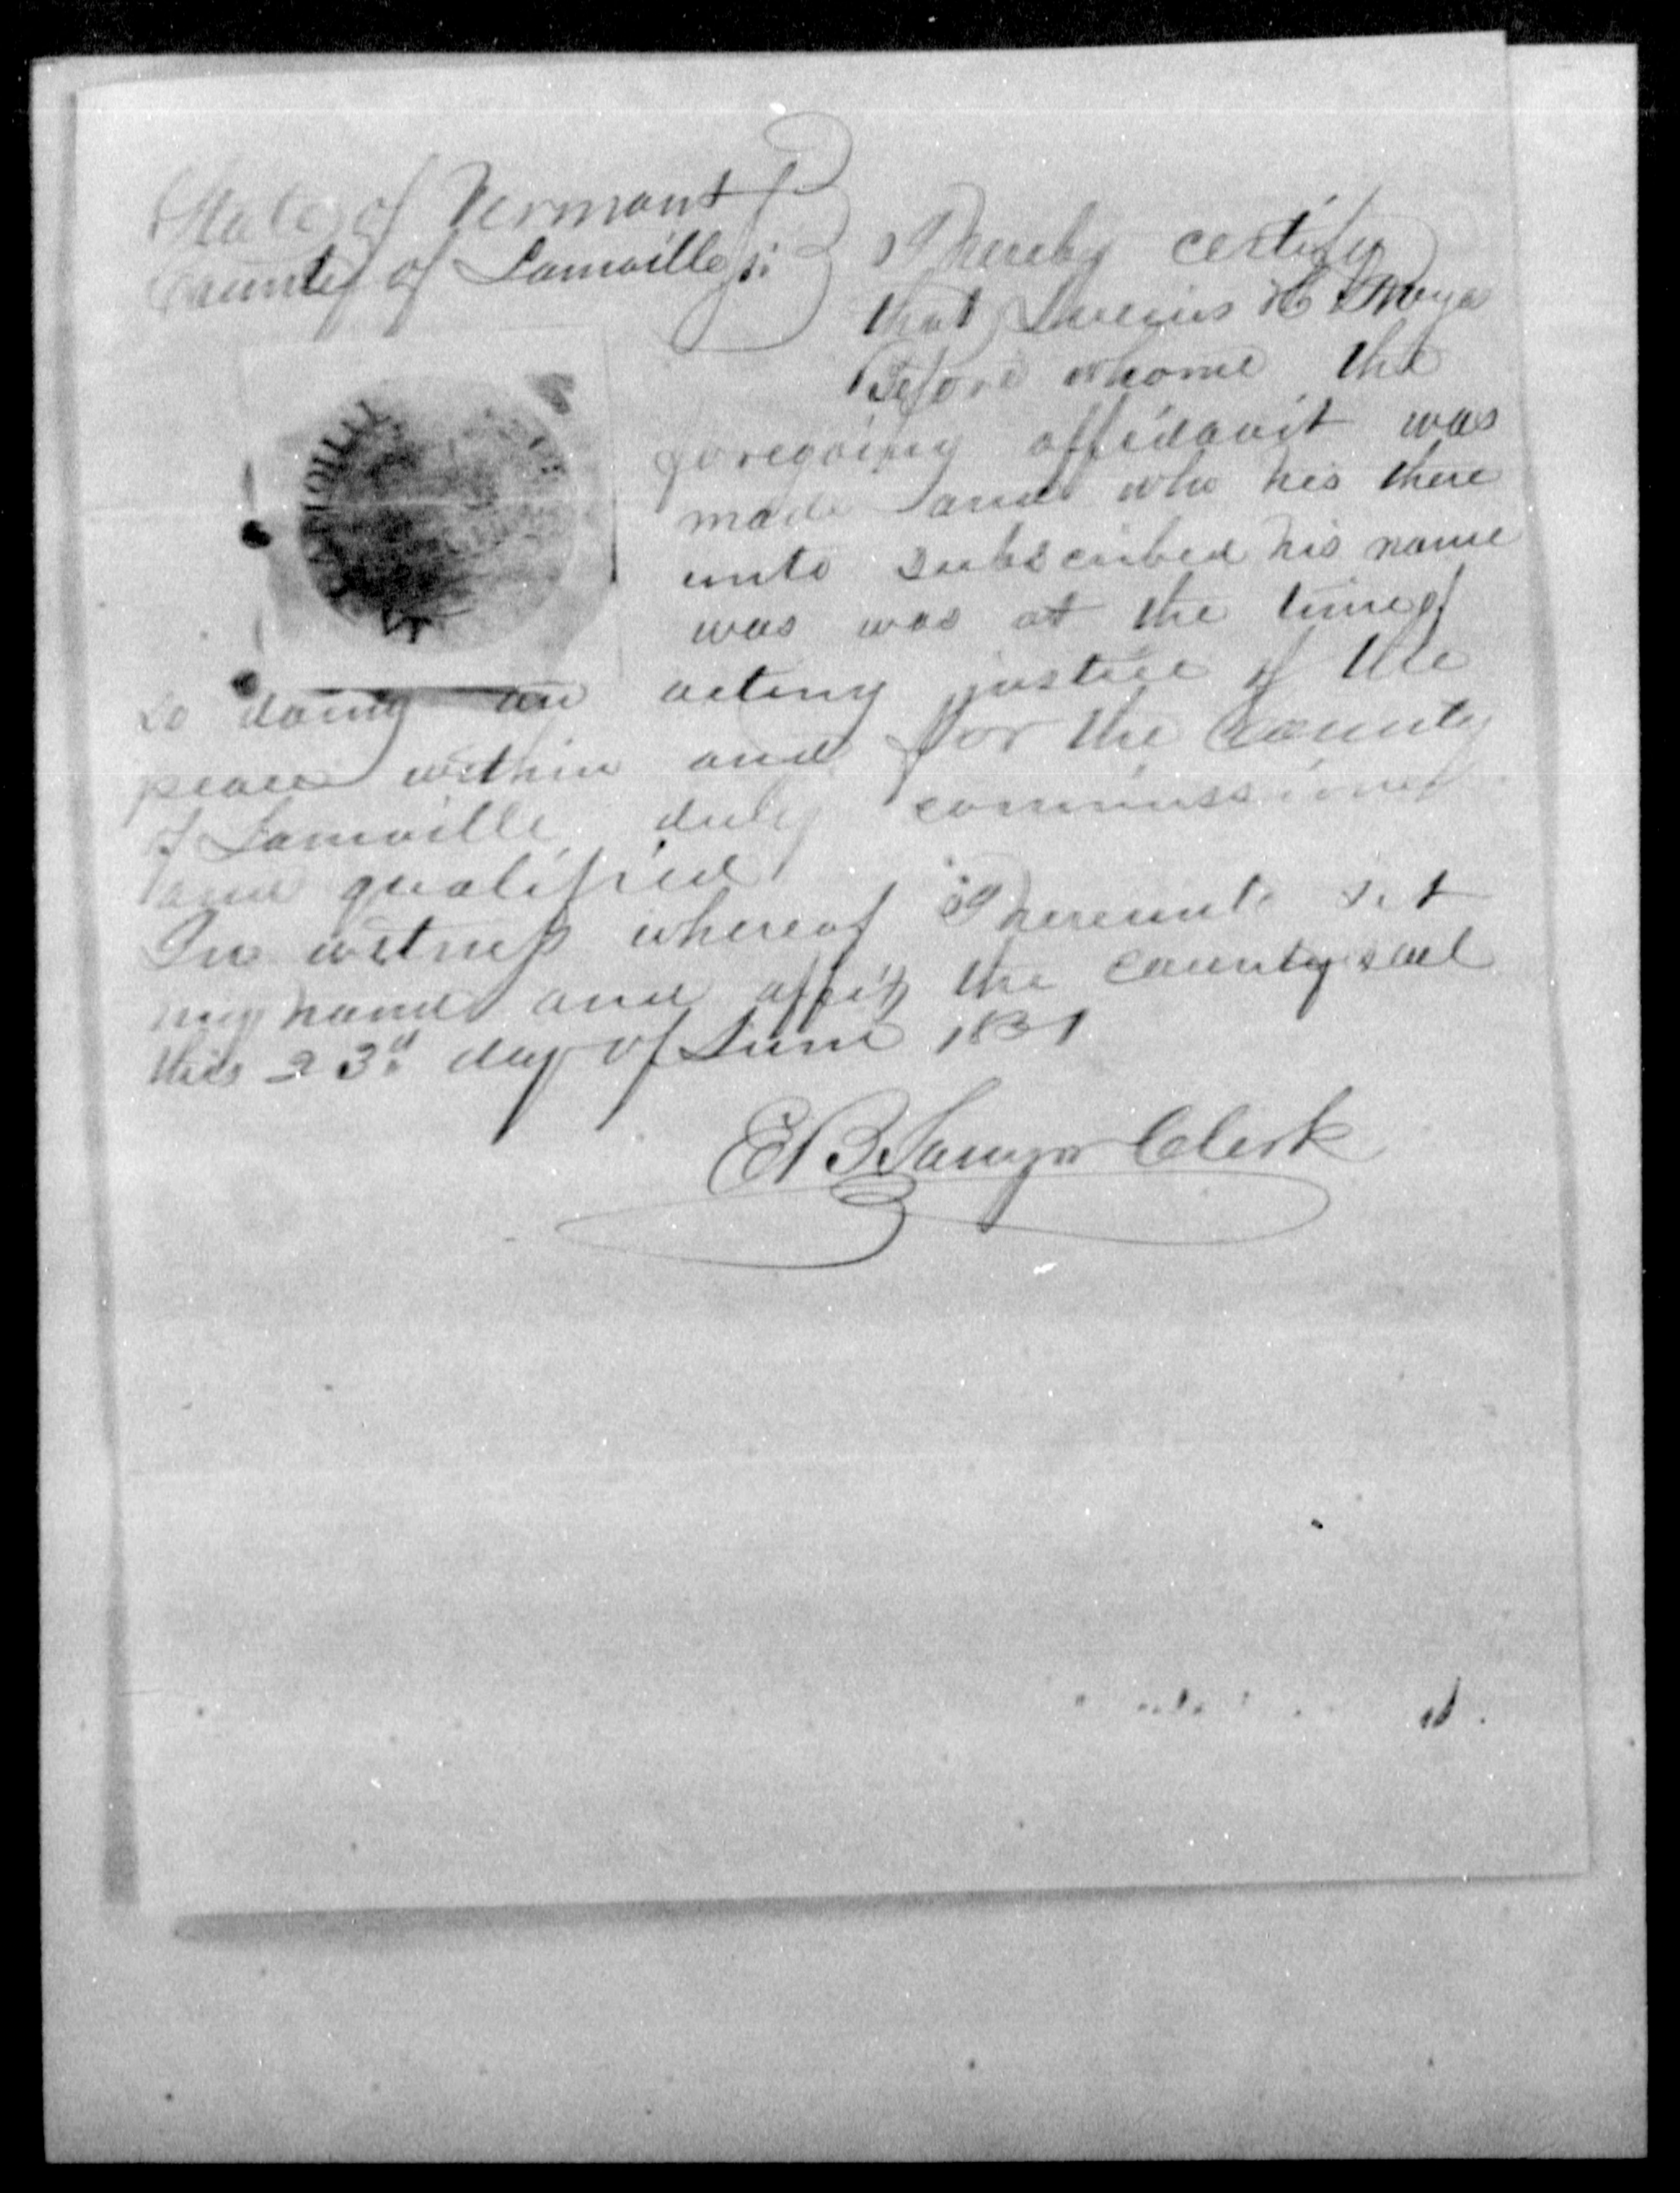State of Vermont
County of Samoille: 
I hereby certify that Lucious H. Noyes before whom the foregoing affidavit was made and  who he's there unto subscribe his name was at the time of so doing an acting justice of the peace within and for the County of Samoille duly commissioned and qualified.
In Witness whereof I hereunto set my hand and affix the county seal this 23rd day of June 1831
B. Sawyer Clerk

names: Lucius H Noyes; E B Sawyer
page: 16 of 30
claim: rejected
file: R. 8625, for Elisha Razar, Connecticut